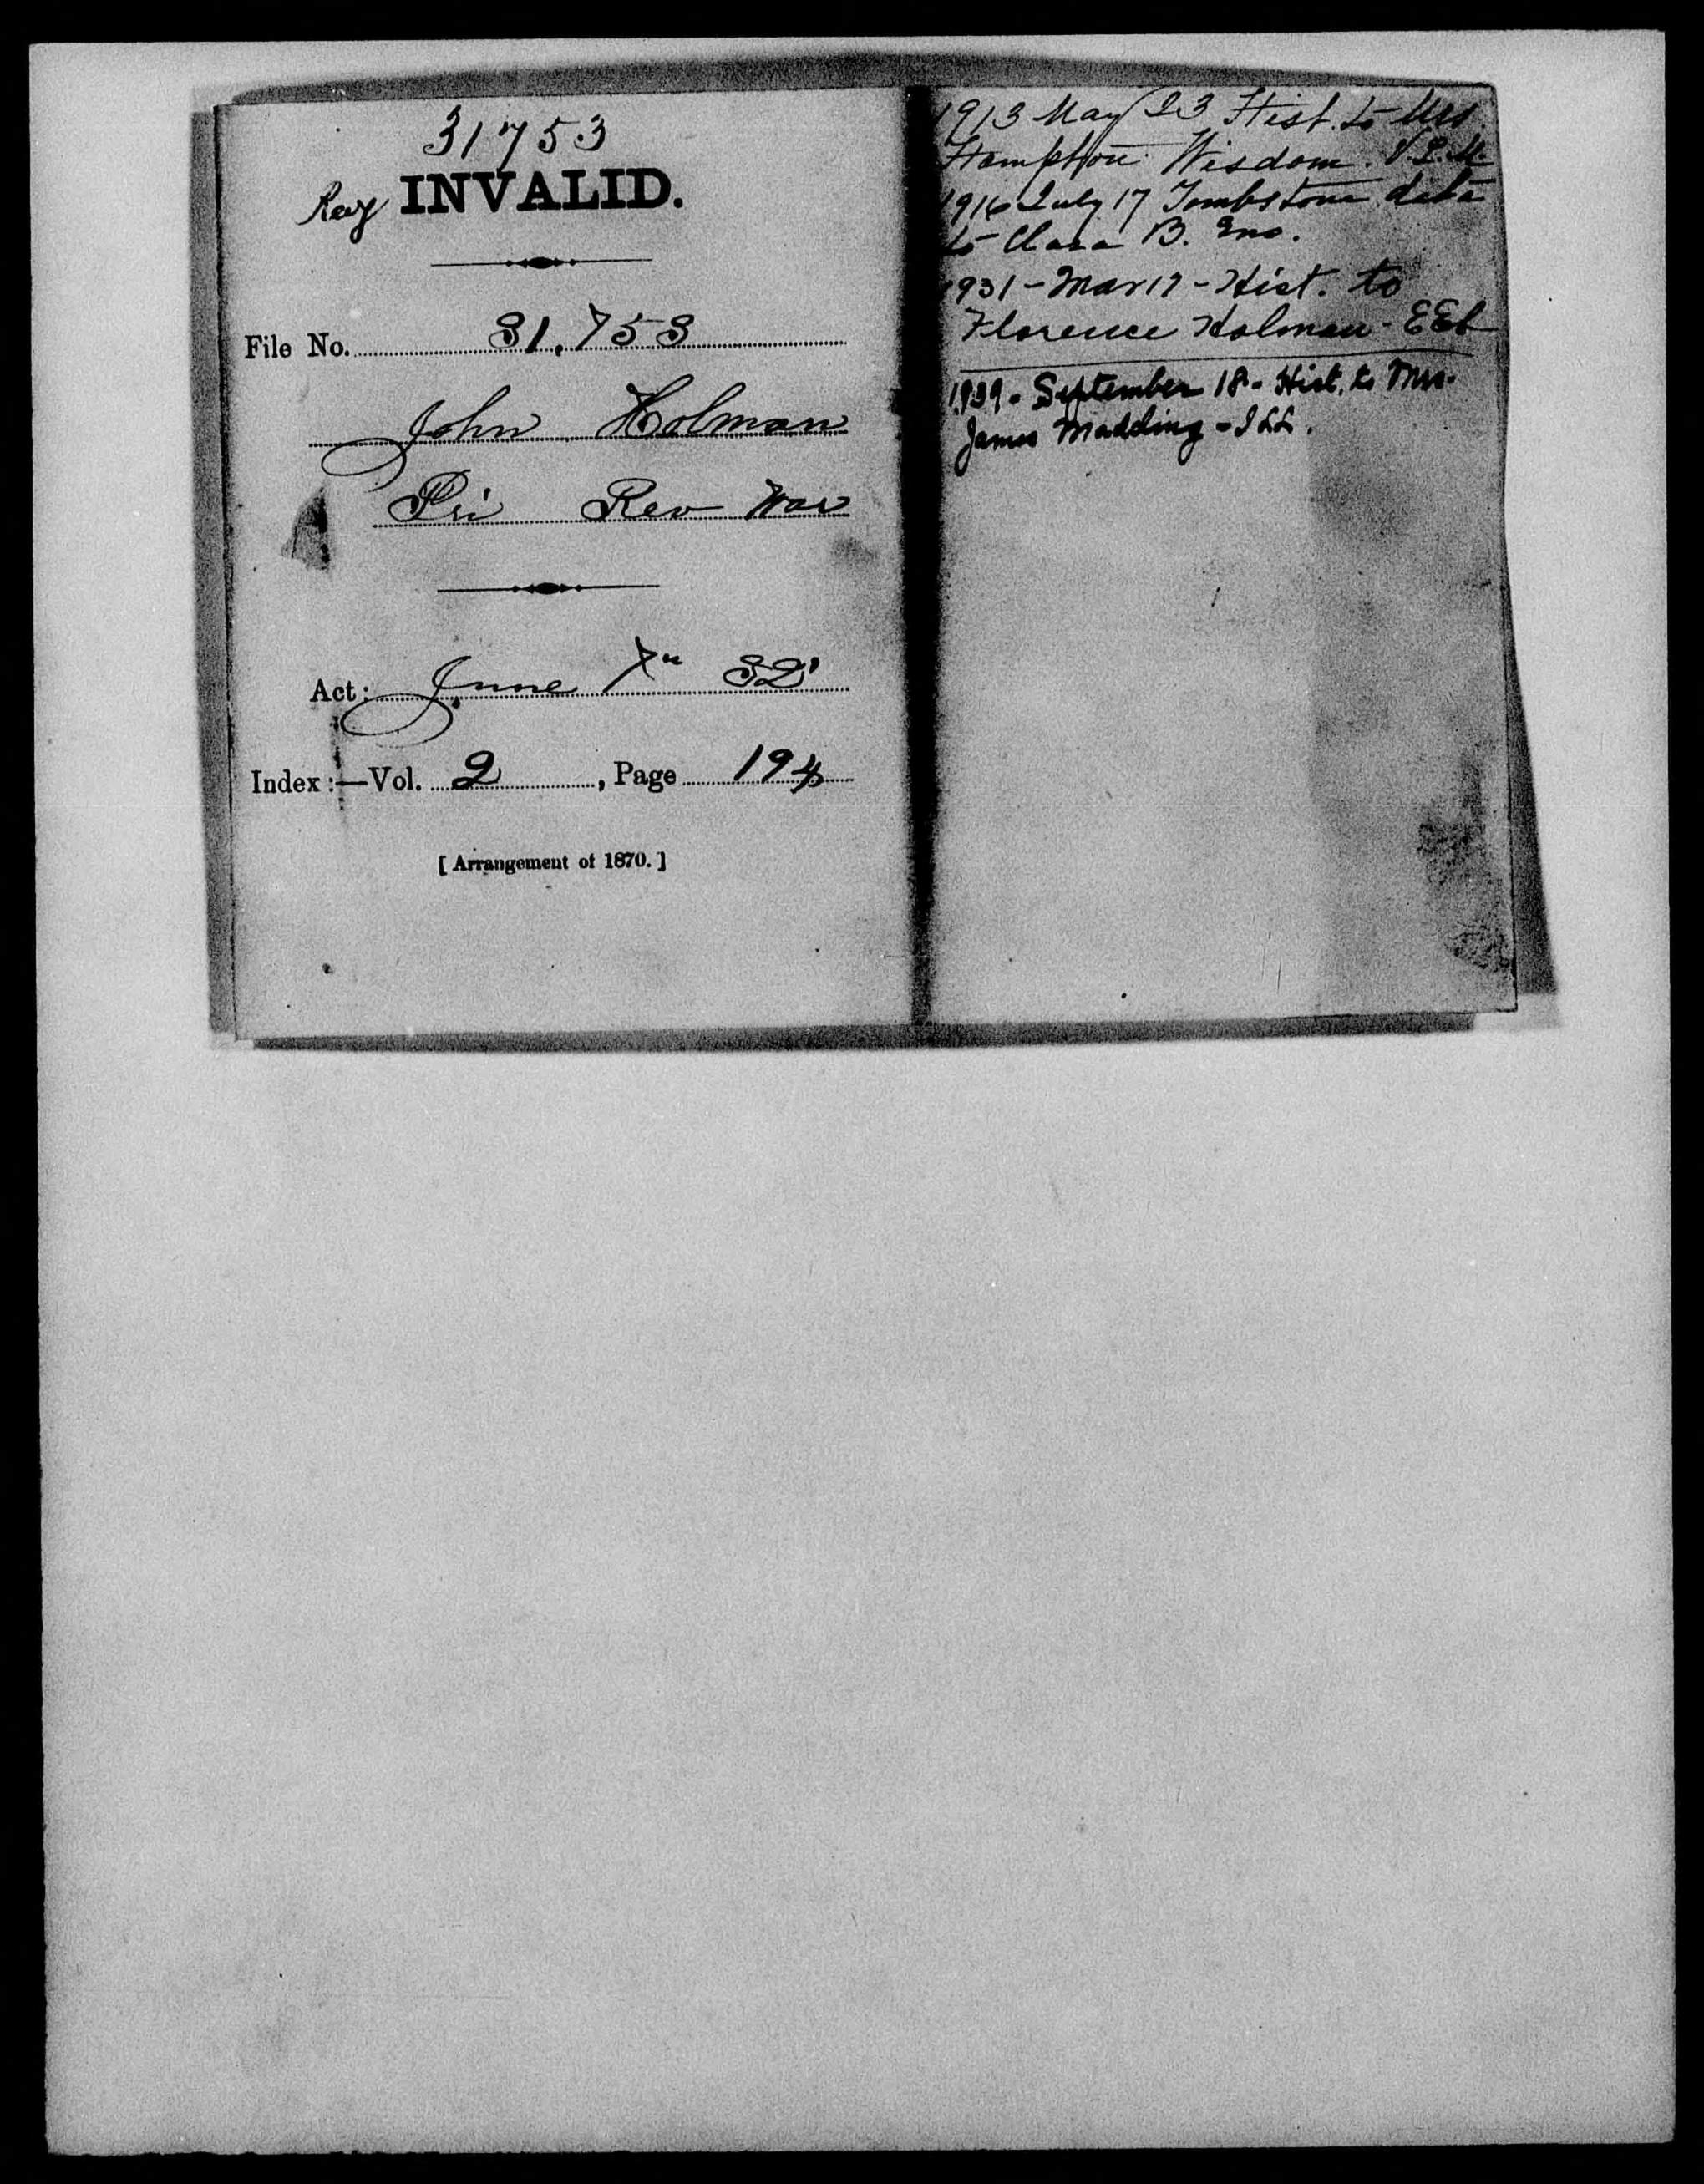[left hand page]
31753
Revy INVALID
John Holman
Pri Rev War
Act: June 7th 32
Index:- Vol. 2 ....,Page 194
[Form number] "[Arrangement of 1870.]"

[right hand page]
1913 May 23 Hist to Mrs Hampton Wisdom ILL
1916 July 17 Tombstone data to Clara B. Eno
1931 Mar 17- Hist. to Florence Holman EEb
1939 September 18 Hist. to Mrs. James Madding ILL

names: James Madding, John Holman, Florence Holman, Hampton Wisdom, Clara B Eno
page: 16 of 30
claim: survivor's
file: S. 31753, John Holman, Va.